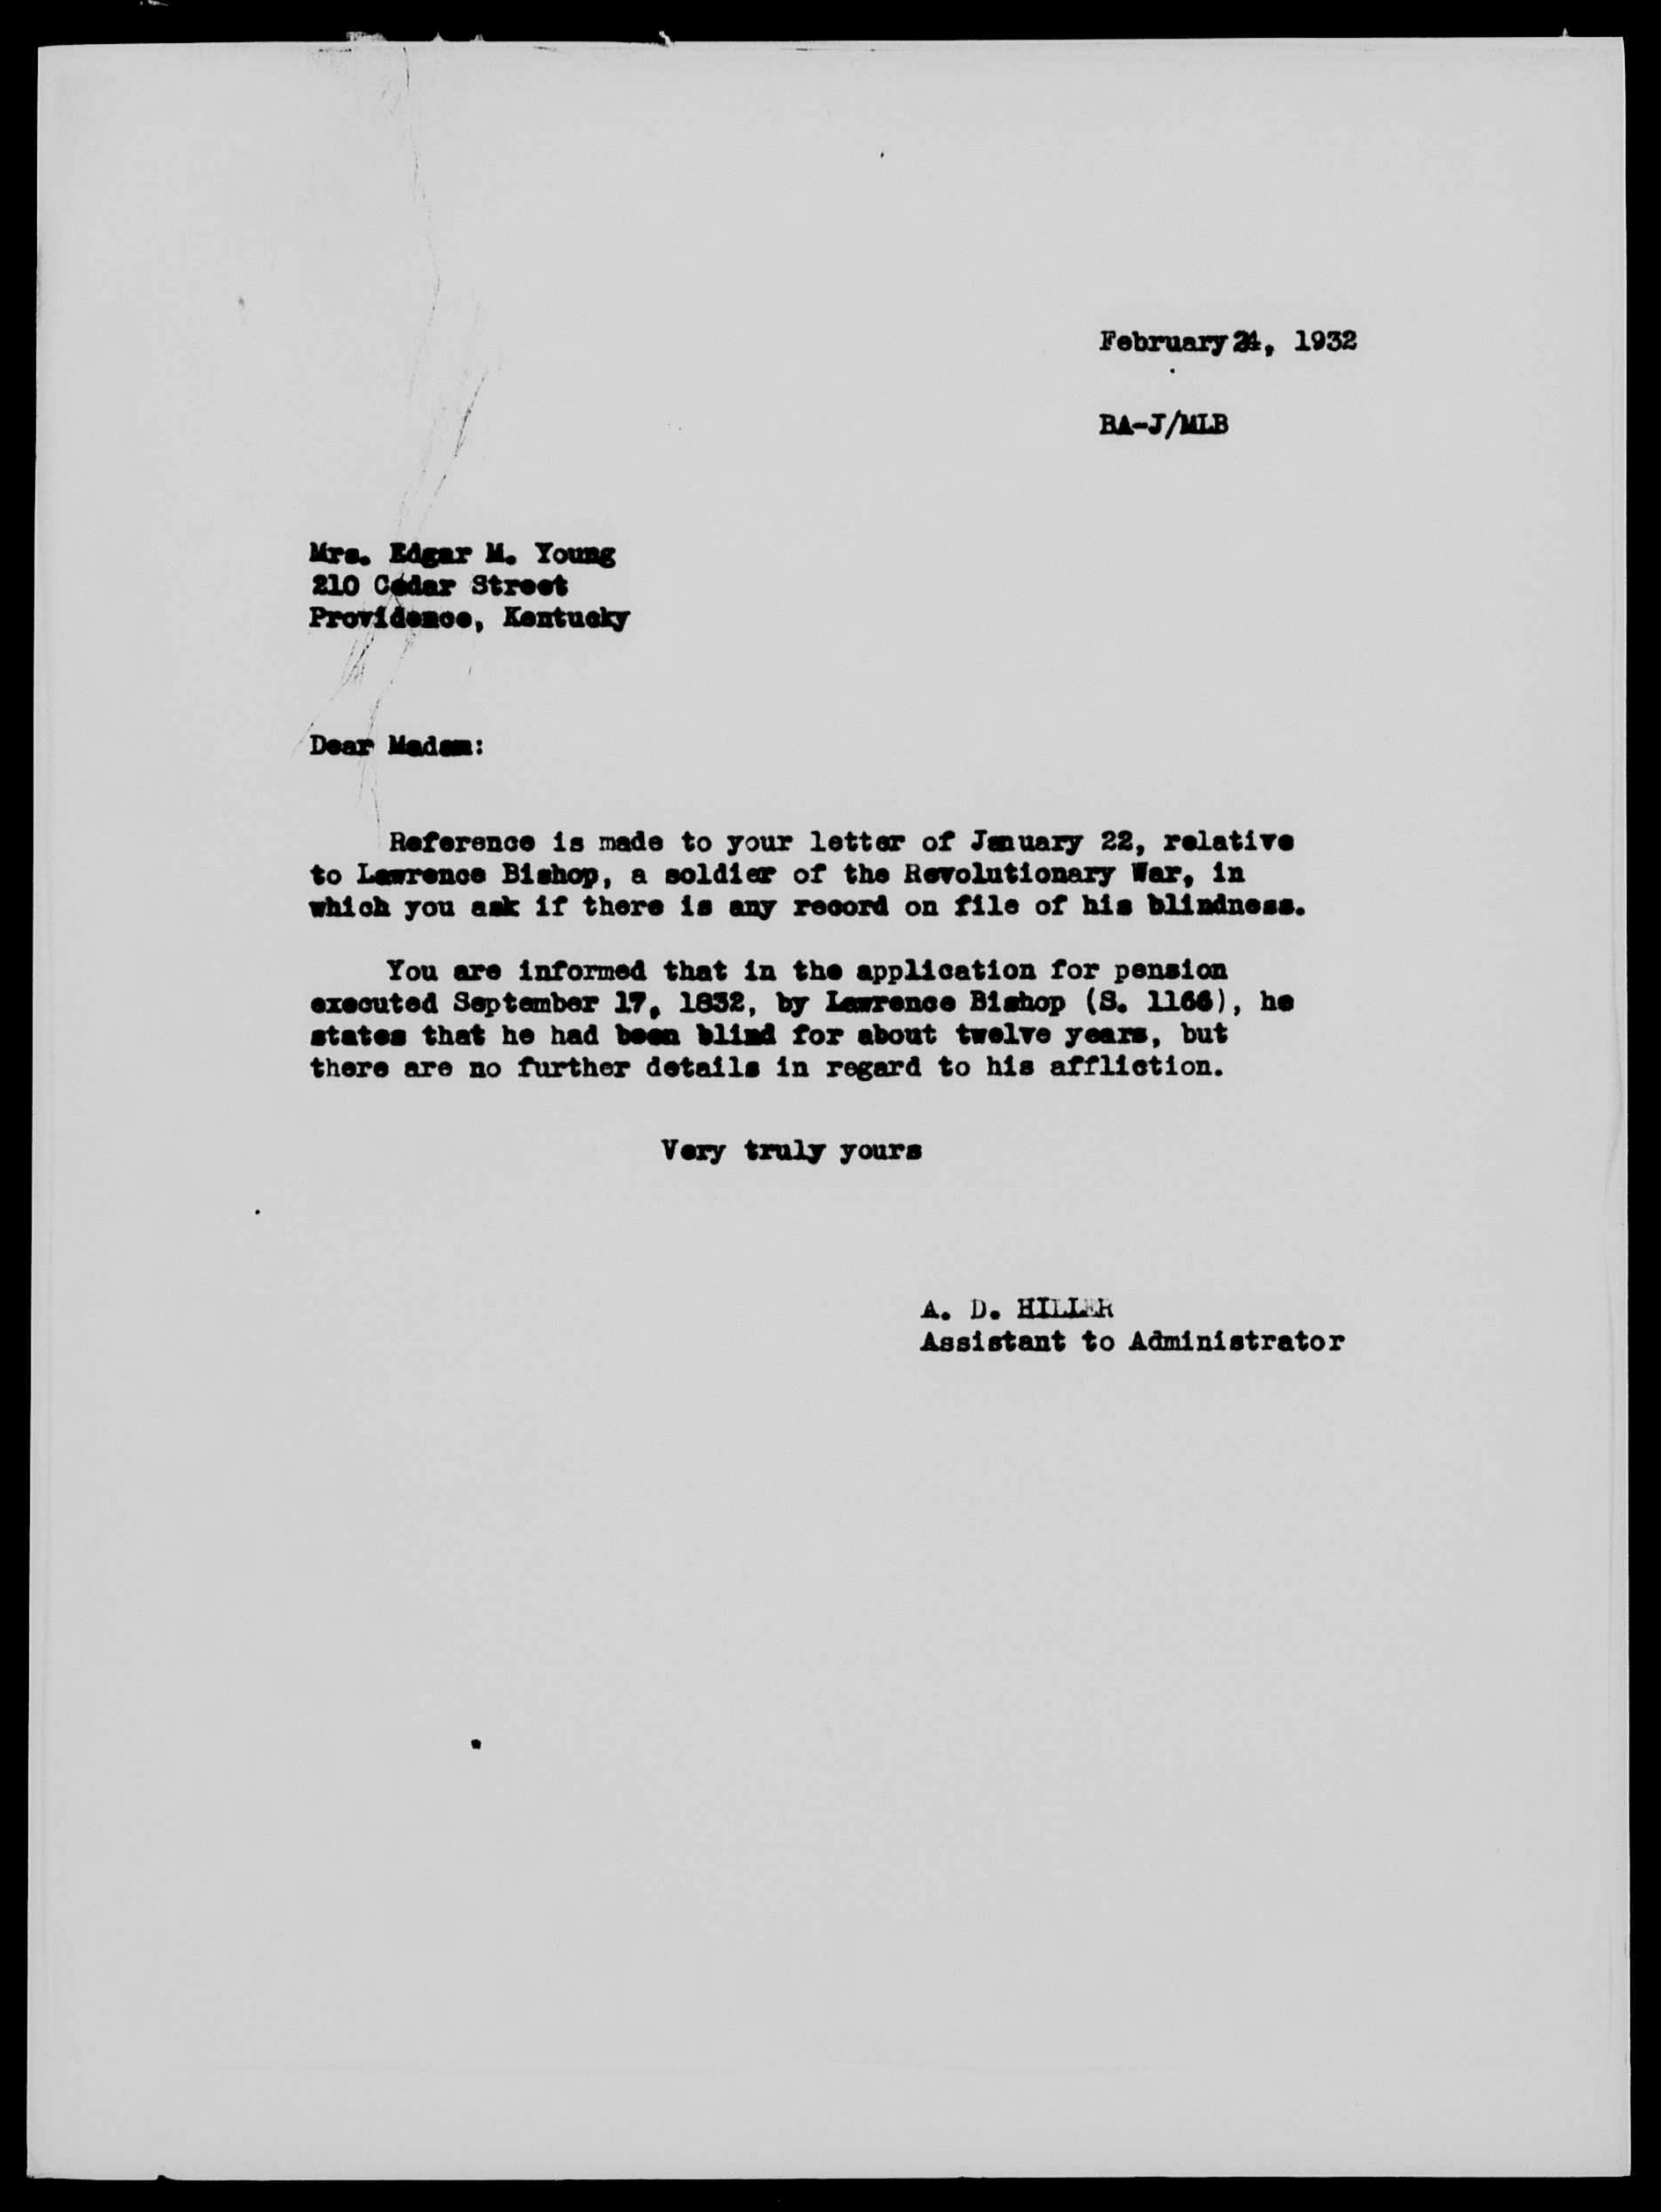February 24, 1932
BA-J/MLB
Mrs. Edgar M. Young 
210 Cedar Street 
Providence, Kentucky 
Dear Madam: 
Reference is made to your letter of January 22, relative to Lawrence Bishop, a soldier of the Revolutionary War, in which you ask if there is any record on file of his blindness. 
You are informed that in the application for pension executed September 17, 1832, by Lawrence Bishop (S. 1166), he states that he had been blind for about twelve years, but there are no further details in regard to his affliction. 
Very truly yours 
A. D. HILLER 
Assistant to Administrator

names: Lawrence Bishop, Lawrence Bishop, A D Hiller, Edgar M Young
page: 13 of 26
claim: survivor's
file: S.1,166, Lawrence Bishop, Penn.